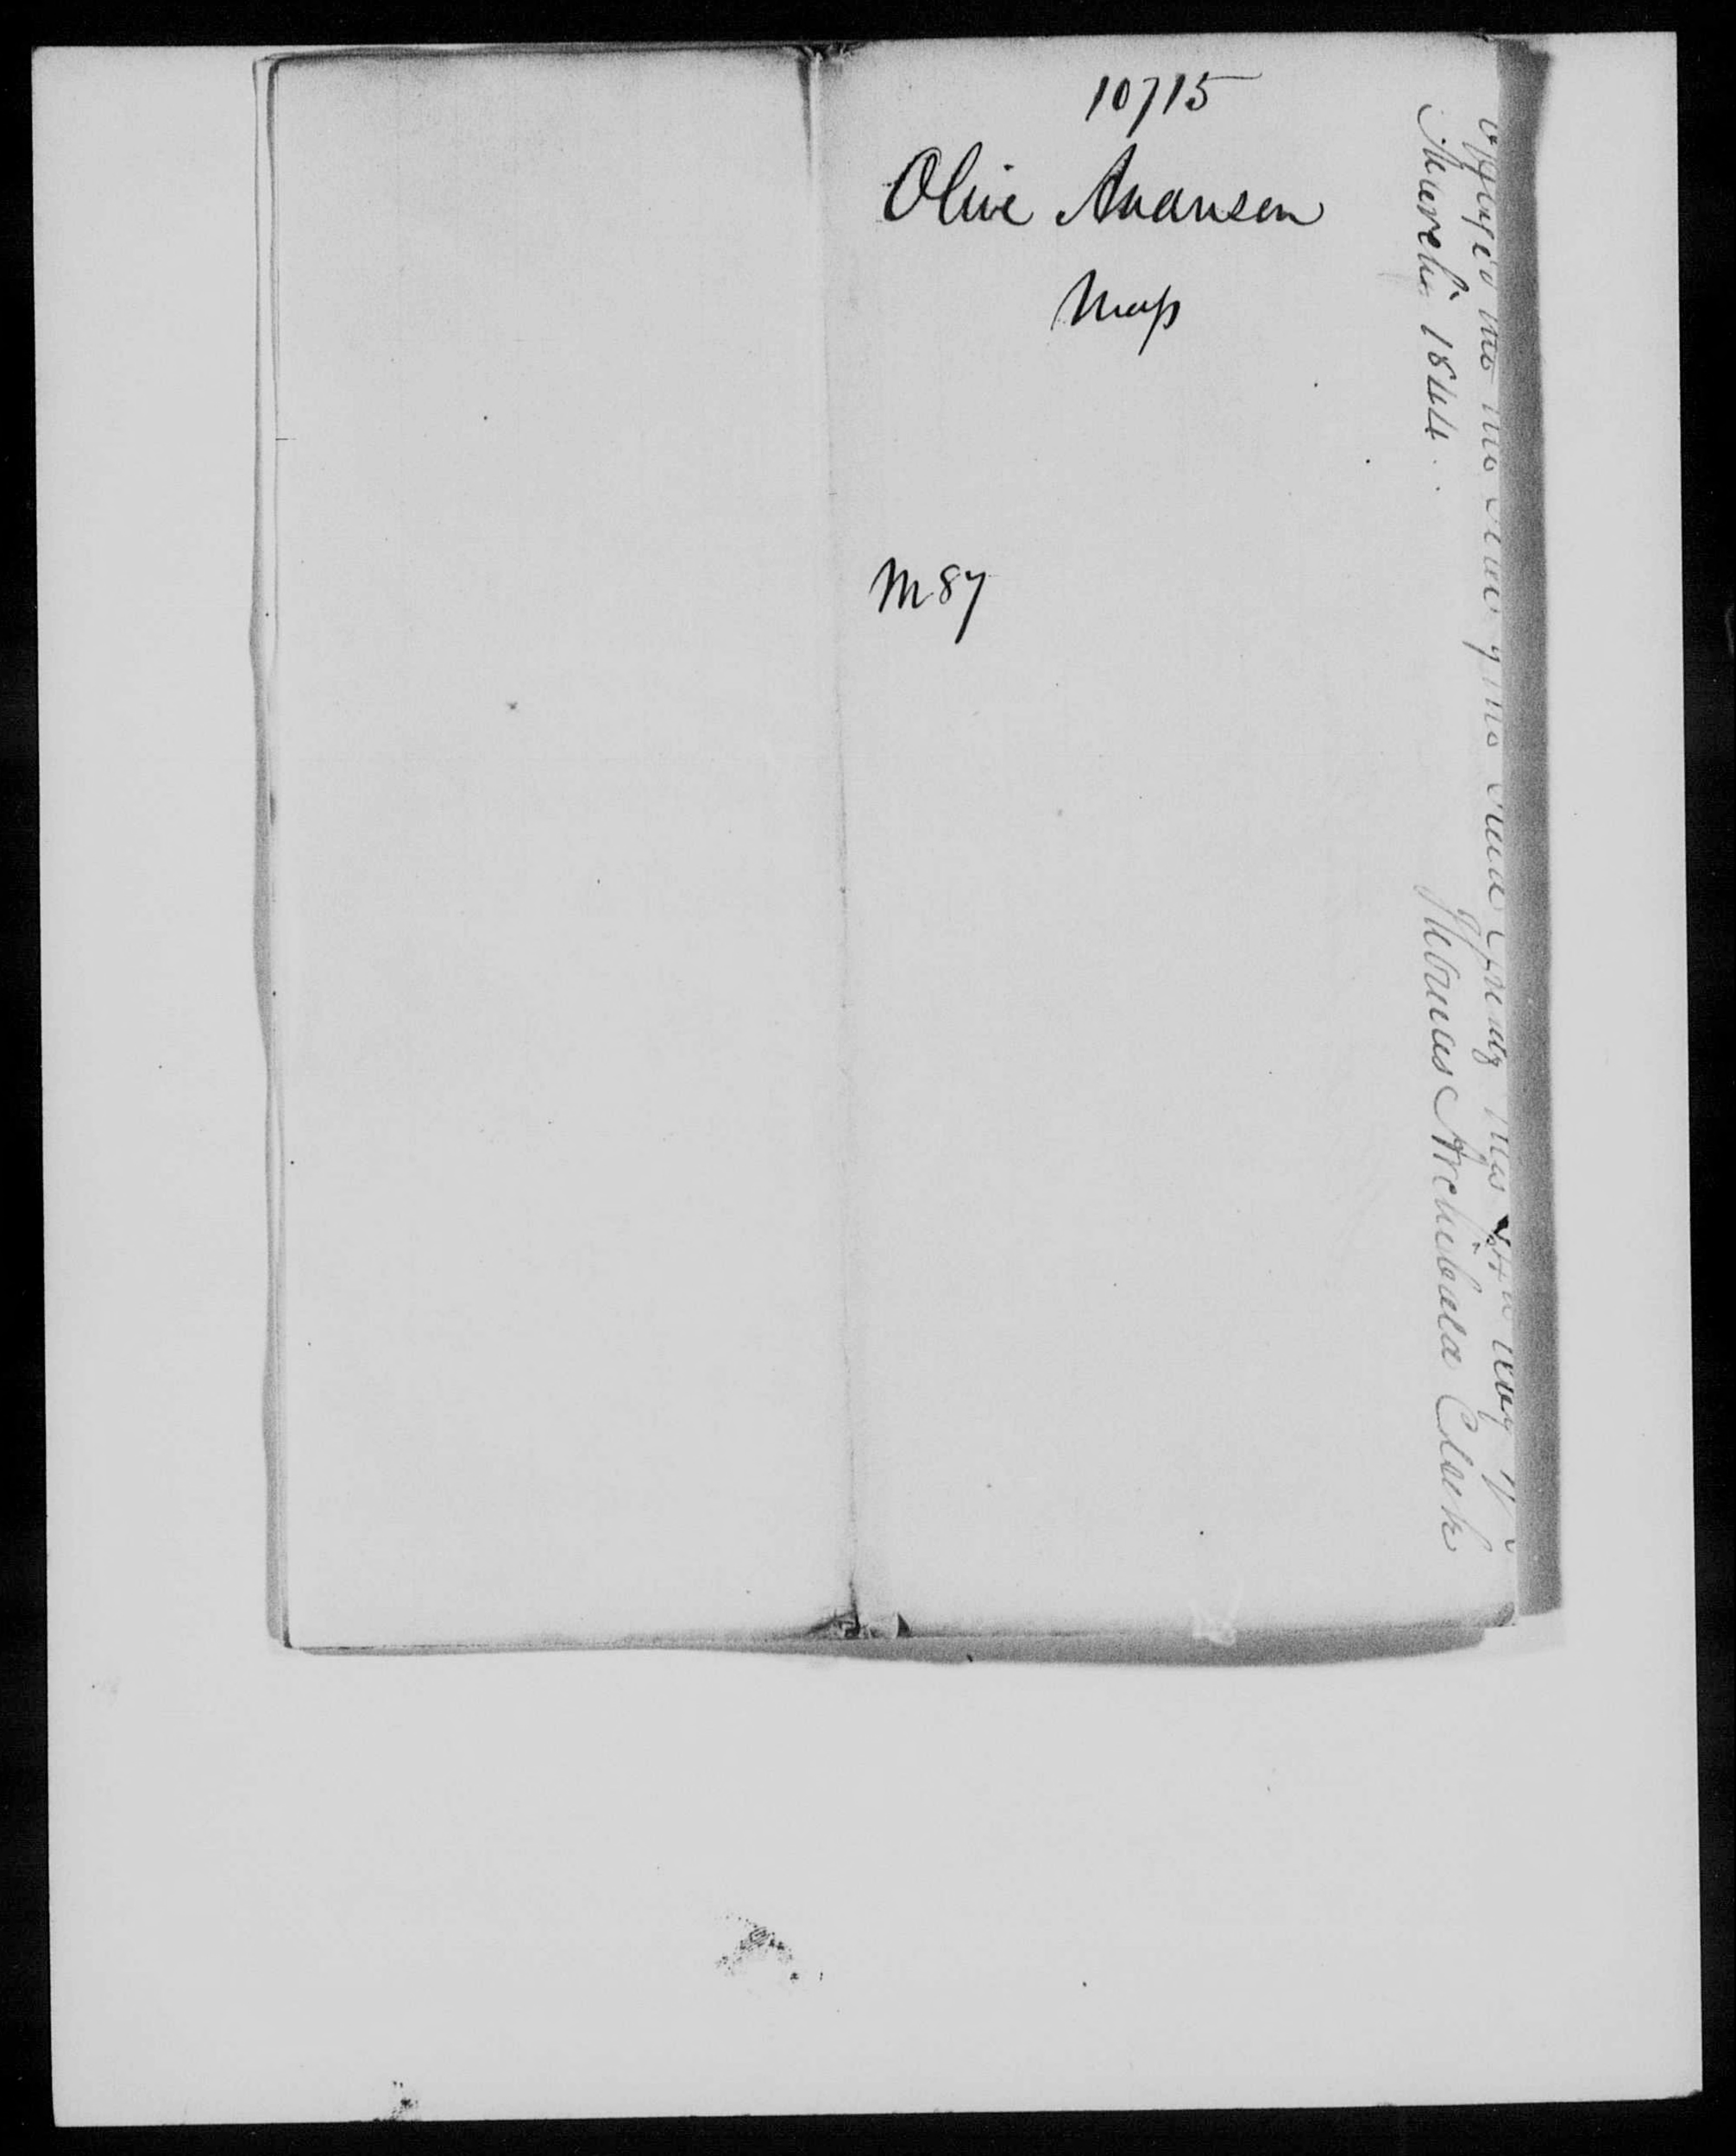10715
Olive Anderson
Mass
M87

Affixed [many illegible words] this 14th day of
[illegible] 1844

Thomas Archibald  Clerk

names: Olive Anderson, Thomas Archibald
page: 13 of 39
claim: widow's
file: W. 20624, David Anderson, Mass